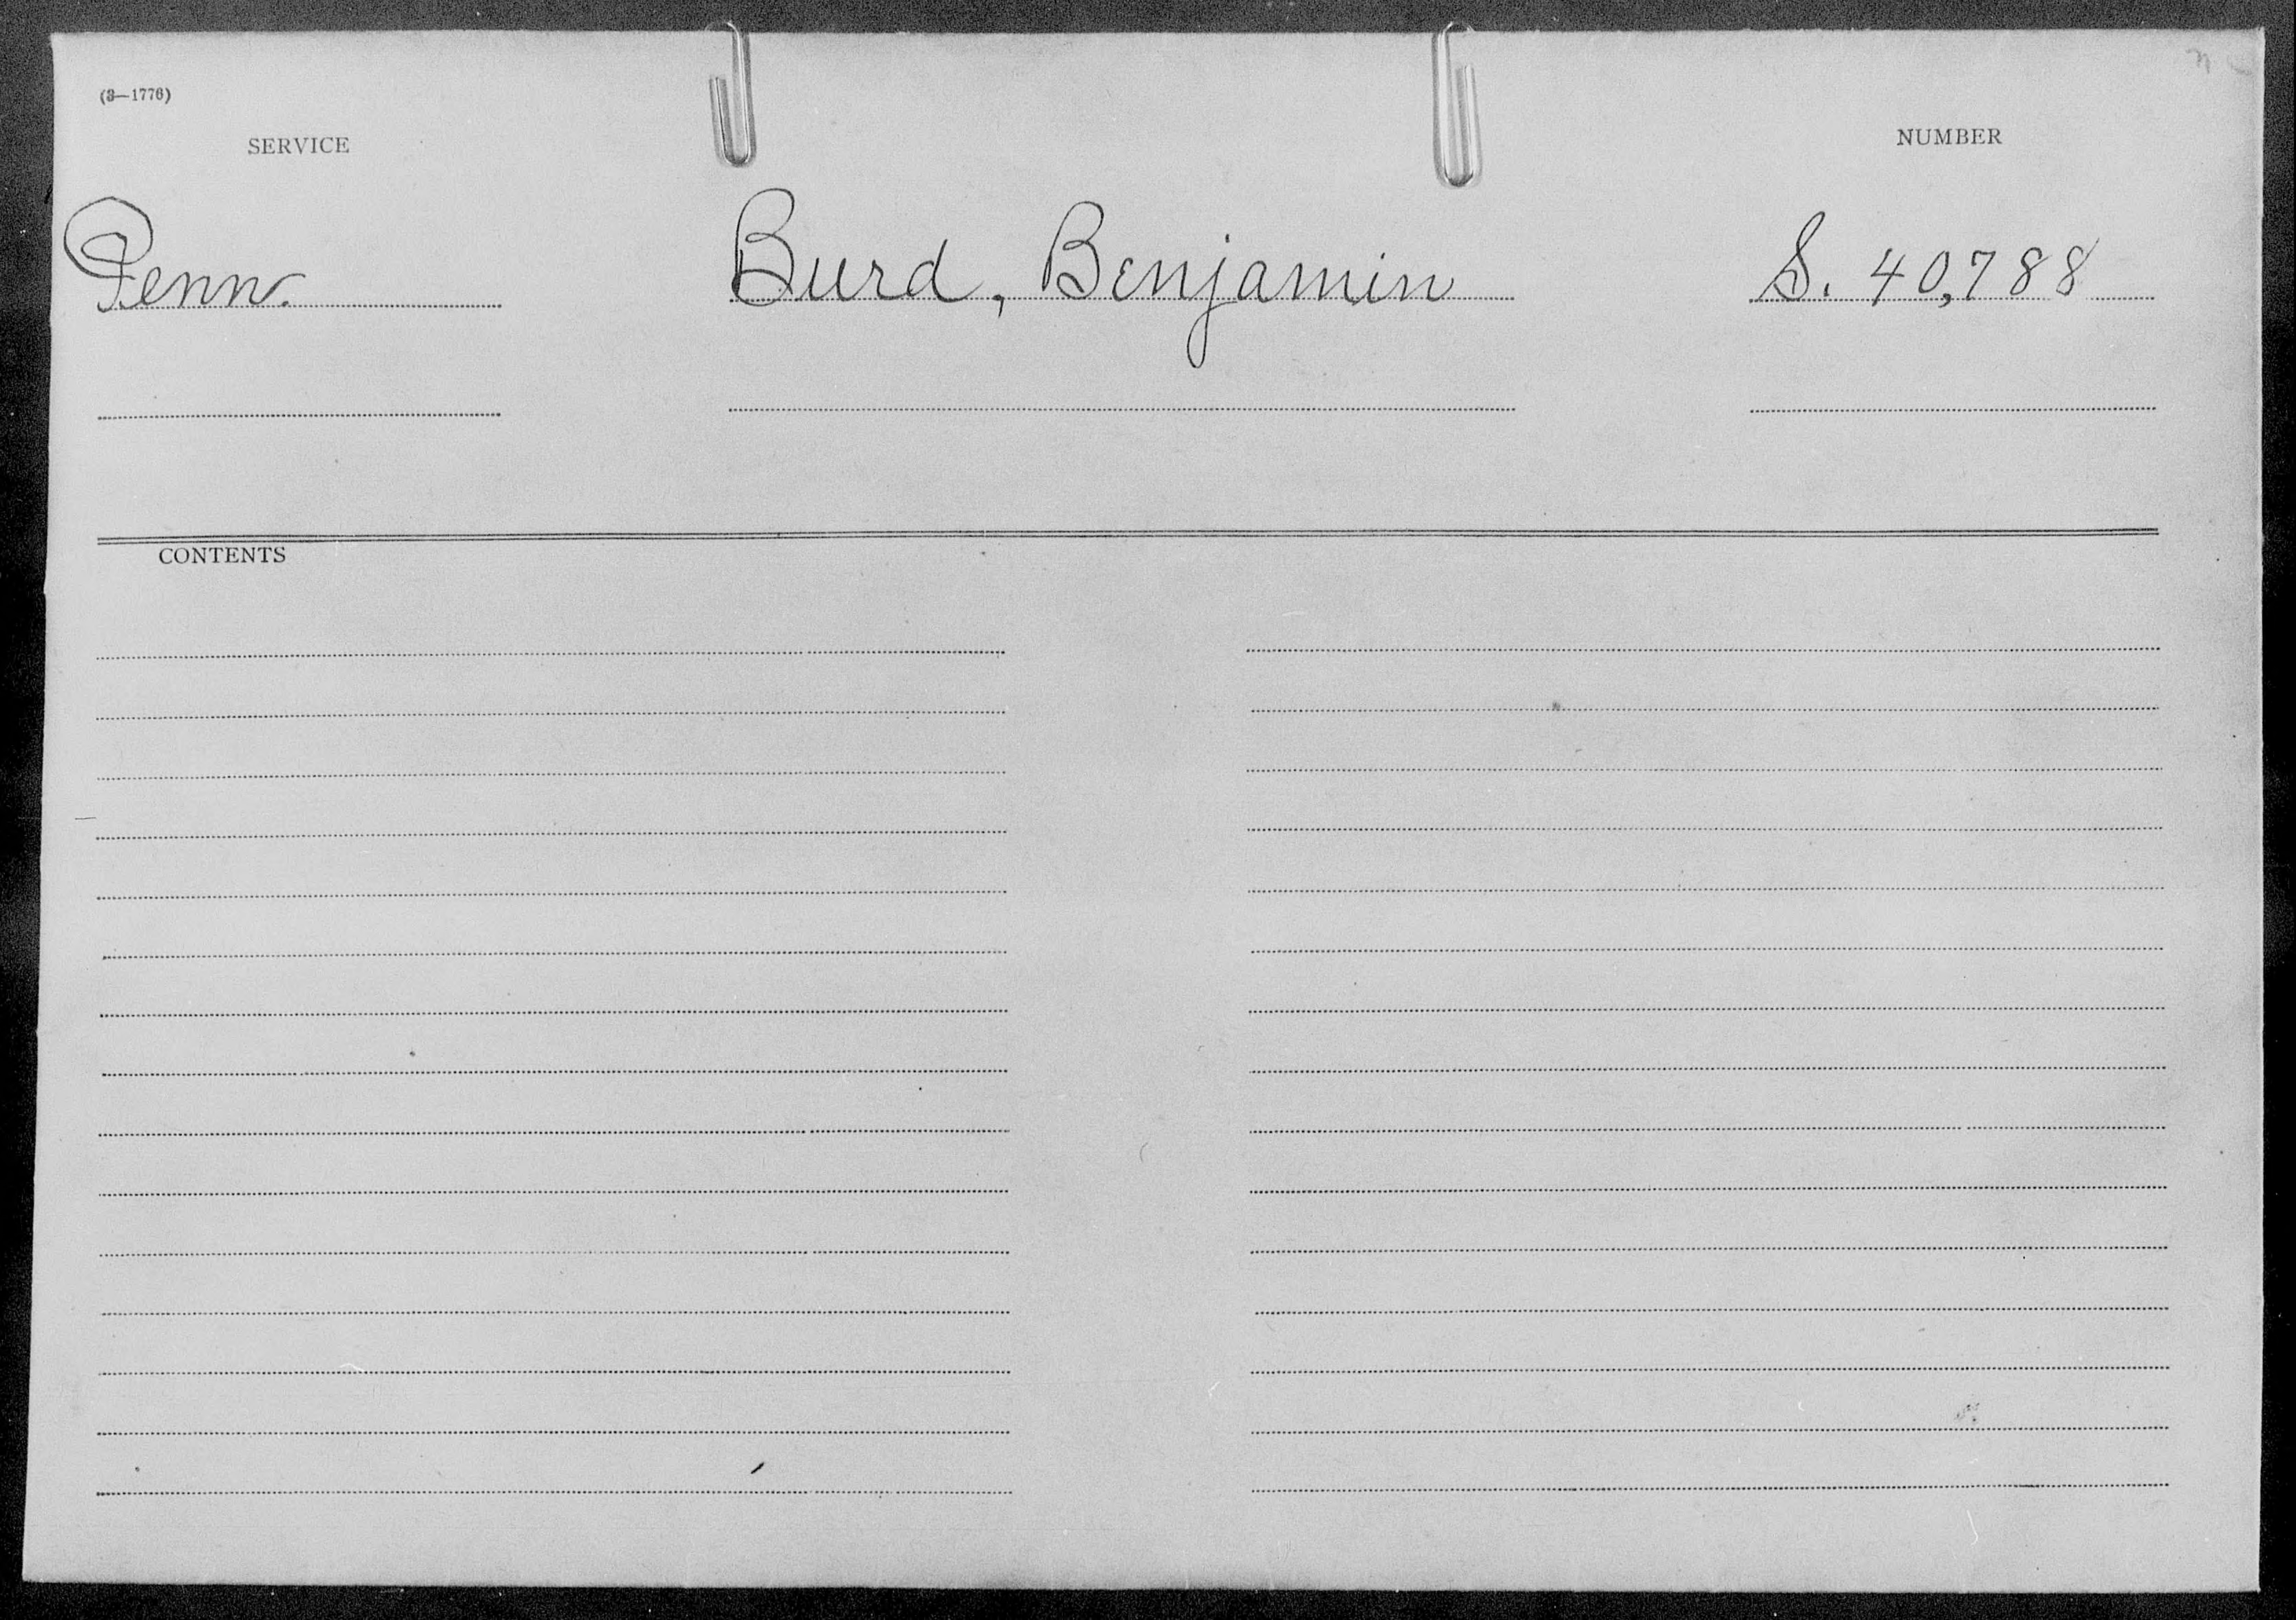SERVICE
Penn

Burd, Benjamin

Number 
S. 40788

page: 1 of 14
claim: survivor's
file: S. 40,788, Benjamin Burd, Penn.